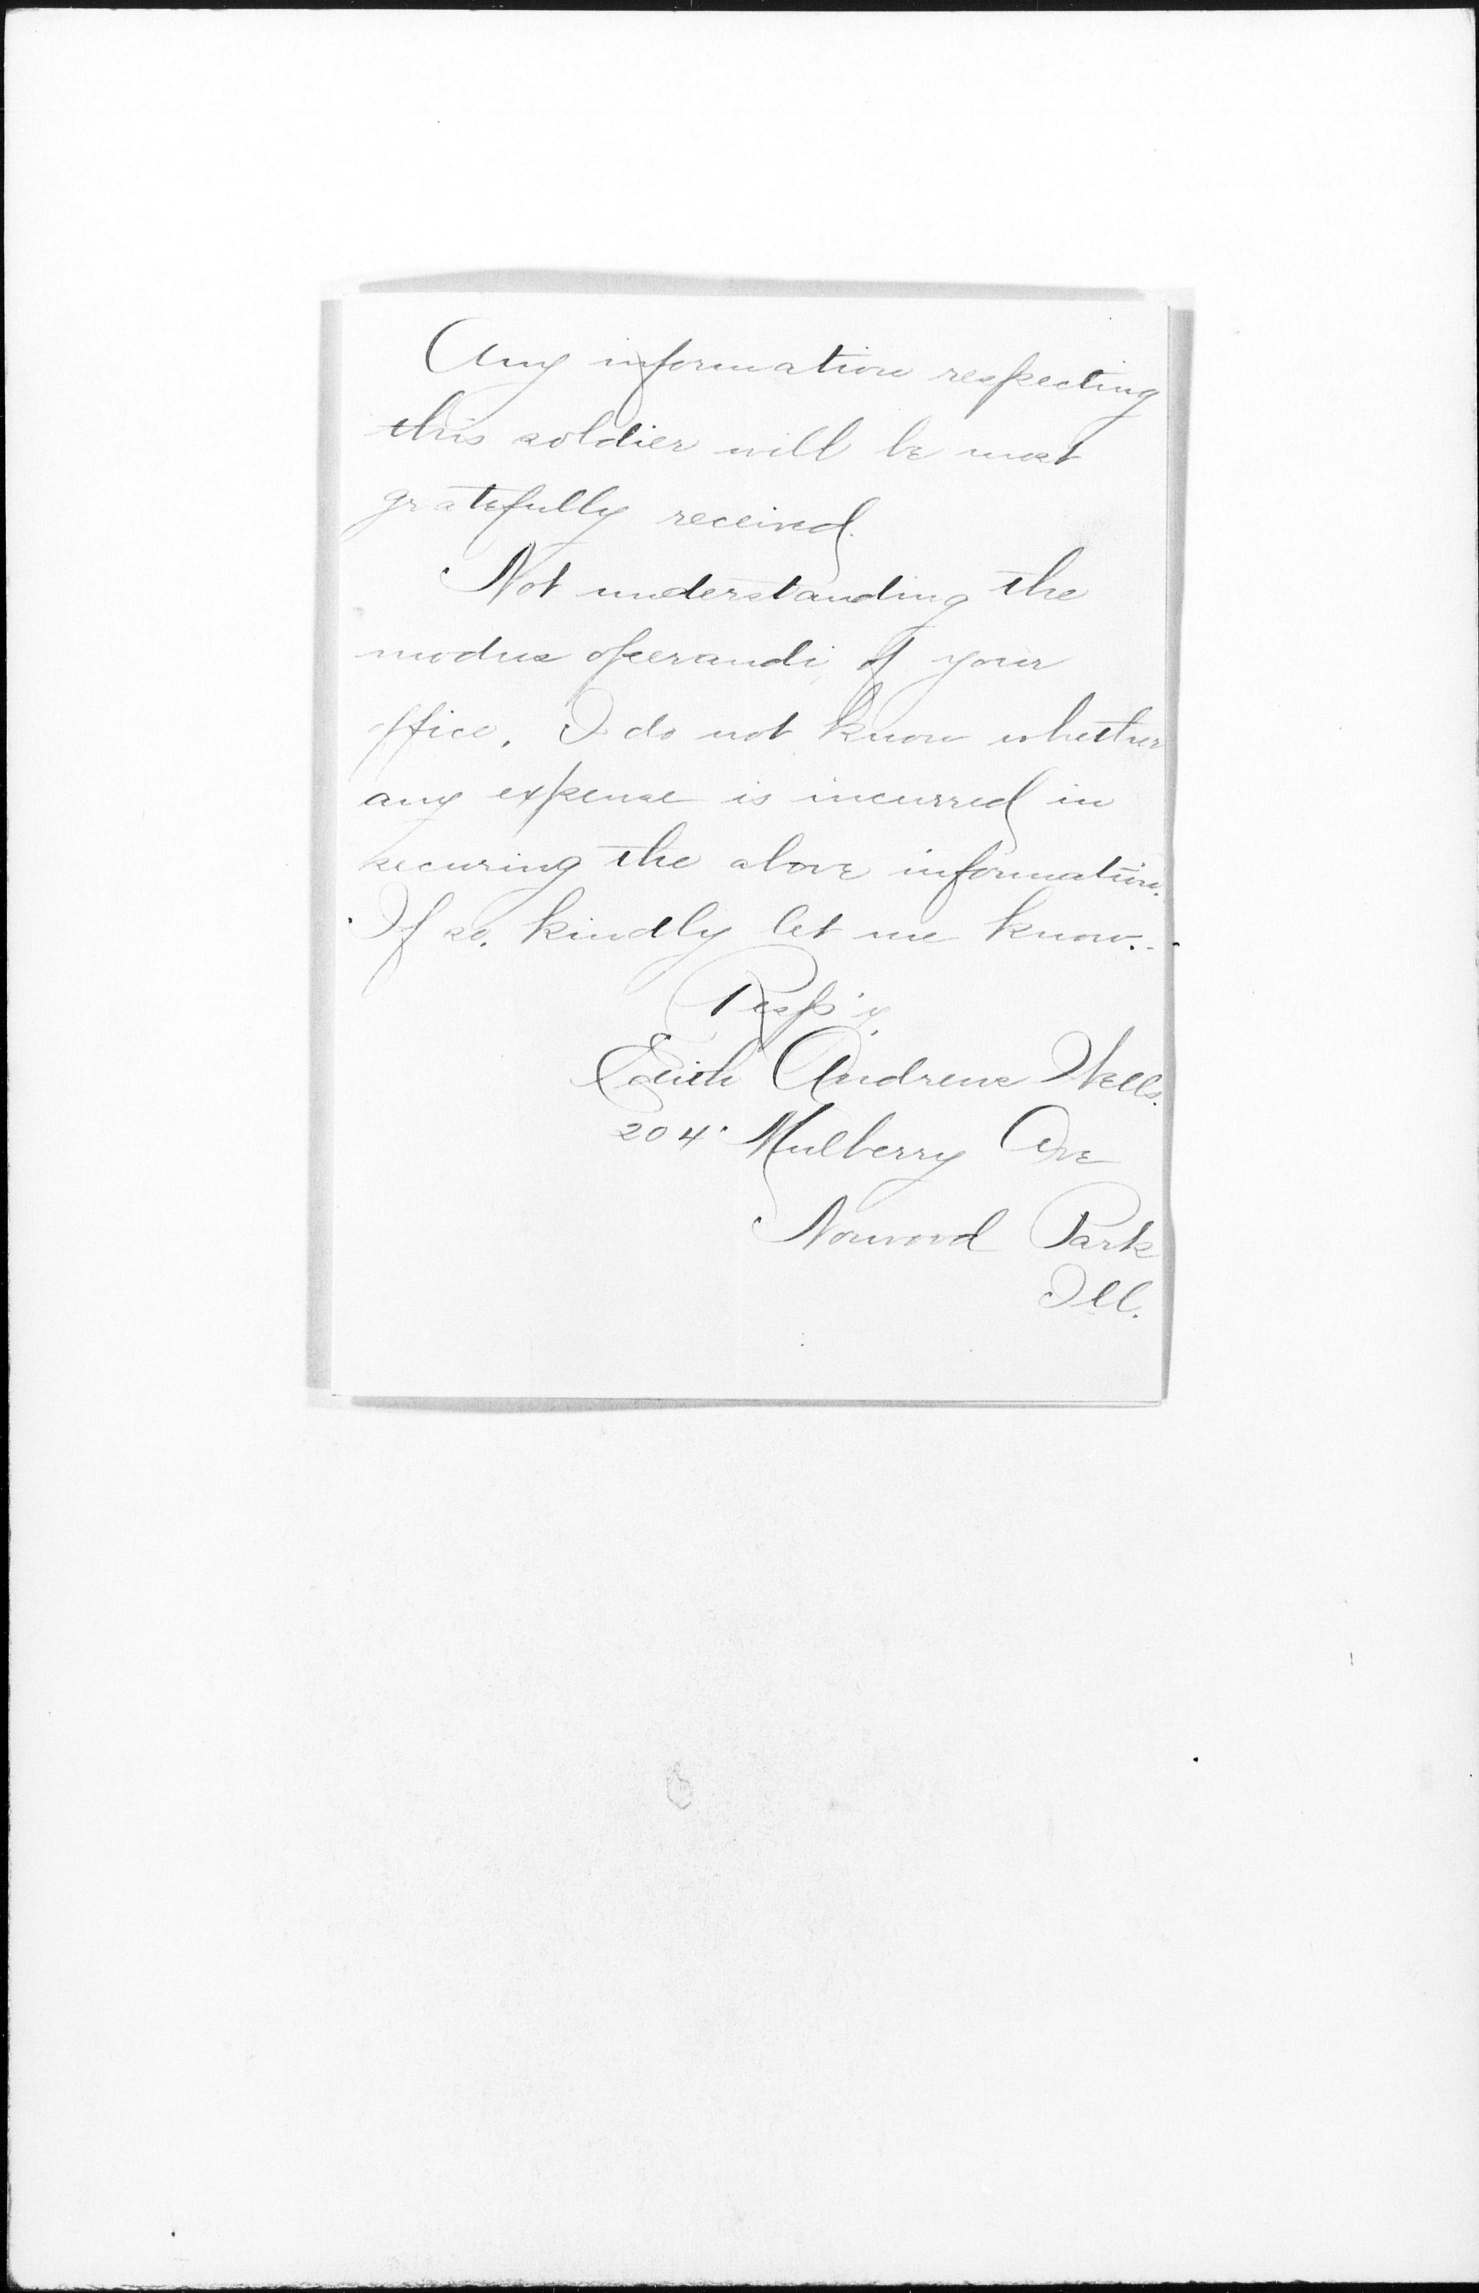Any information respecting this soldier will be most gratefully received. 

Not understanding the modus operandi of your office, I do not know whether any expense is incurred in recuring the above information.

If so, kindly let me know,

Resp'y

Edith Andrews Wells 
204 Mulberry Ave
Norwood Park, Ill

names: Norwood Park, Edith Andrews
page: 23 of 23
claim: widow's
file: W. 1693, John Andrews, Mass.